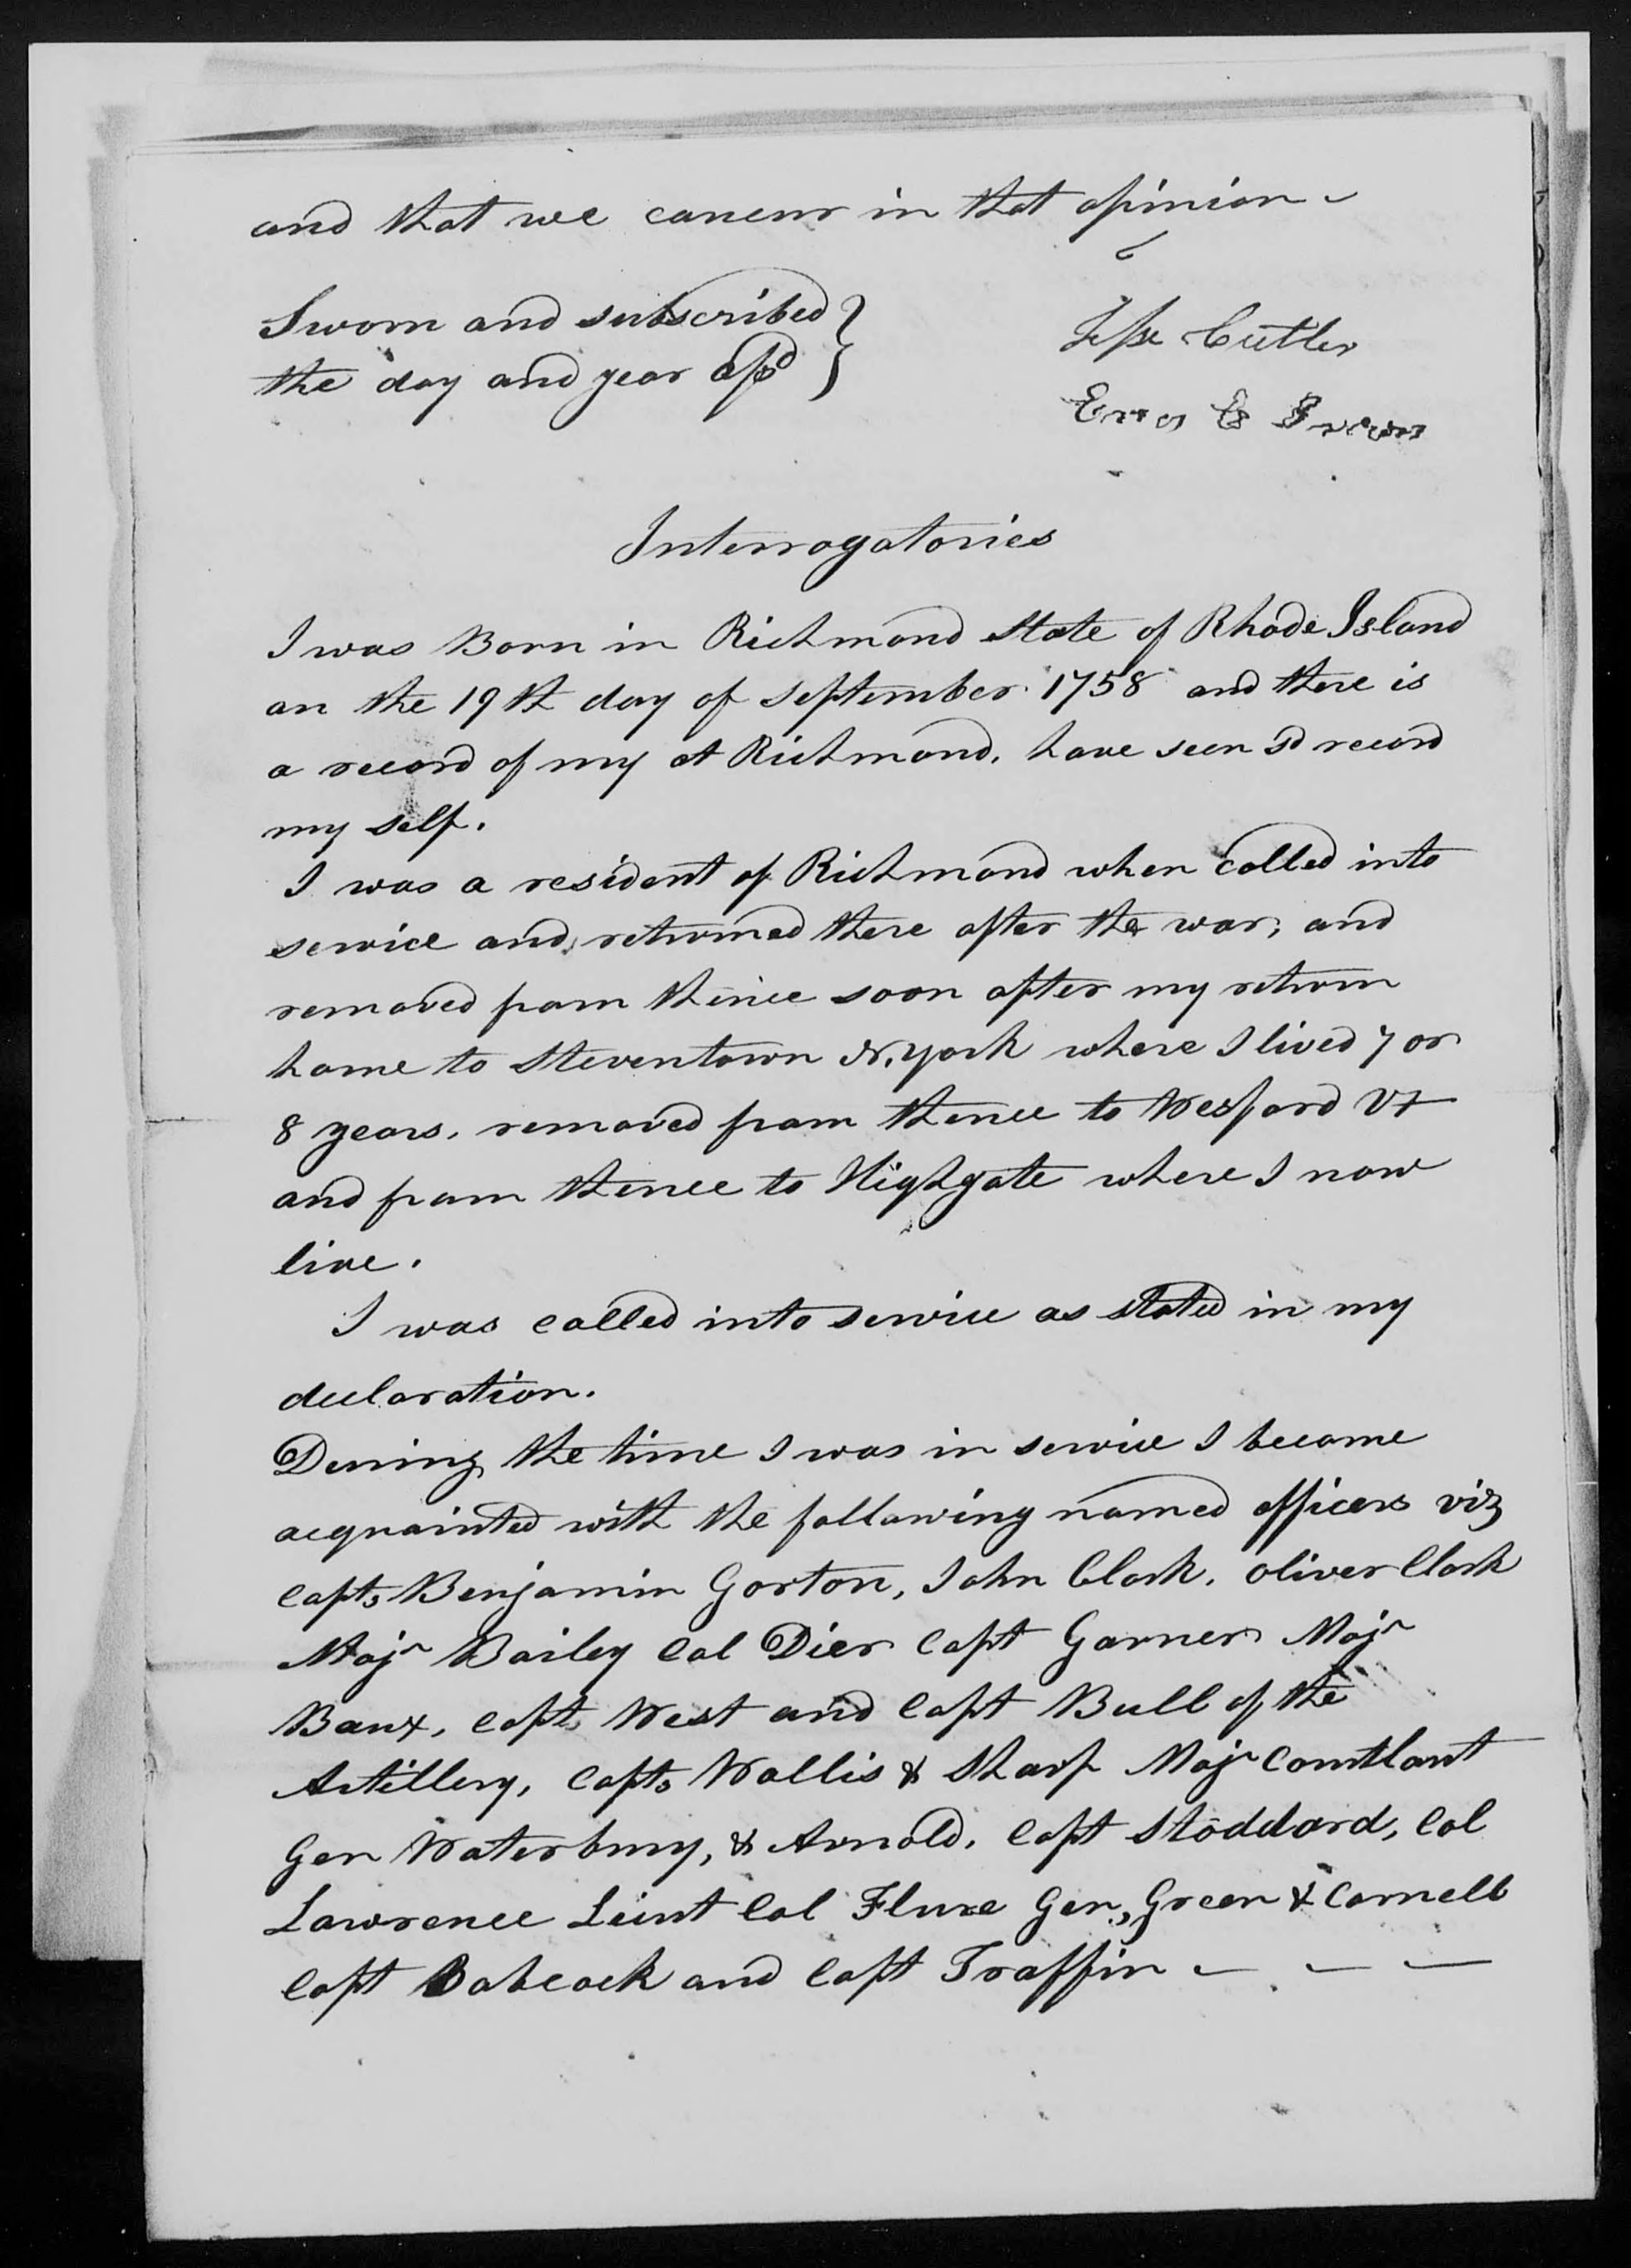and that we concur in that opinion.

Sworn and subscribed  }
the day and year afsd [aforesaid]  }
Jesse Cutler
Enos E. Brown

Interrogatories
I was born in Richmond State of Rhode Island on the 19th day of September 1758 and there is a record of my at Richmond, have seen said record my self.
I was a resident of Richmond when called into service and returned there after the war; and removed from thence soon after my return home to Steventown N. York where I lived for 8 years, removed from thence to Newport Vt and from thence to Highgate where I now live.
I was called into service as stated in my declaration.
During the time I was in service I became acquainted with the following named officers viz Capts Benjamin Gorton, John Clark, Oliver Clark Major Bailey Col Dier Capt Garner Major Banx, Capt West and Capt Bull of the Artillery, Capts. Wallis & Sharp Major Courtland Gen Waterbury, & Arnold, Capt Stoddard, Col Lawrence Lieut Col Flure Gens Green & Cornell Capt Babcock and Capt Troffin - - -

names: Babcock, Stoddard, Flure, John Clark, Cornell, Sharp, Jesse Cutler, Bailey, Dier, Baux, Waterbury, Enos C Brown, Lawrence, Wallis, Benjamin Gorton, Bull, West, Arnold, Green, Oliver Clark, Traffin, Garner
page: 25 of 100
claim: survivor's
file: S 19186, James Austin, Conn. New York R.I.